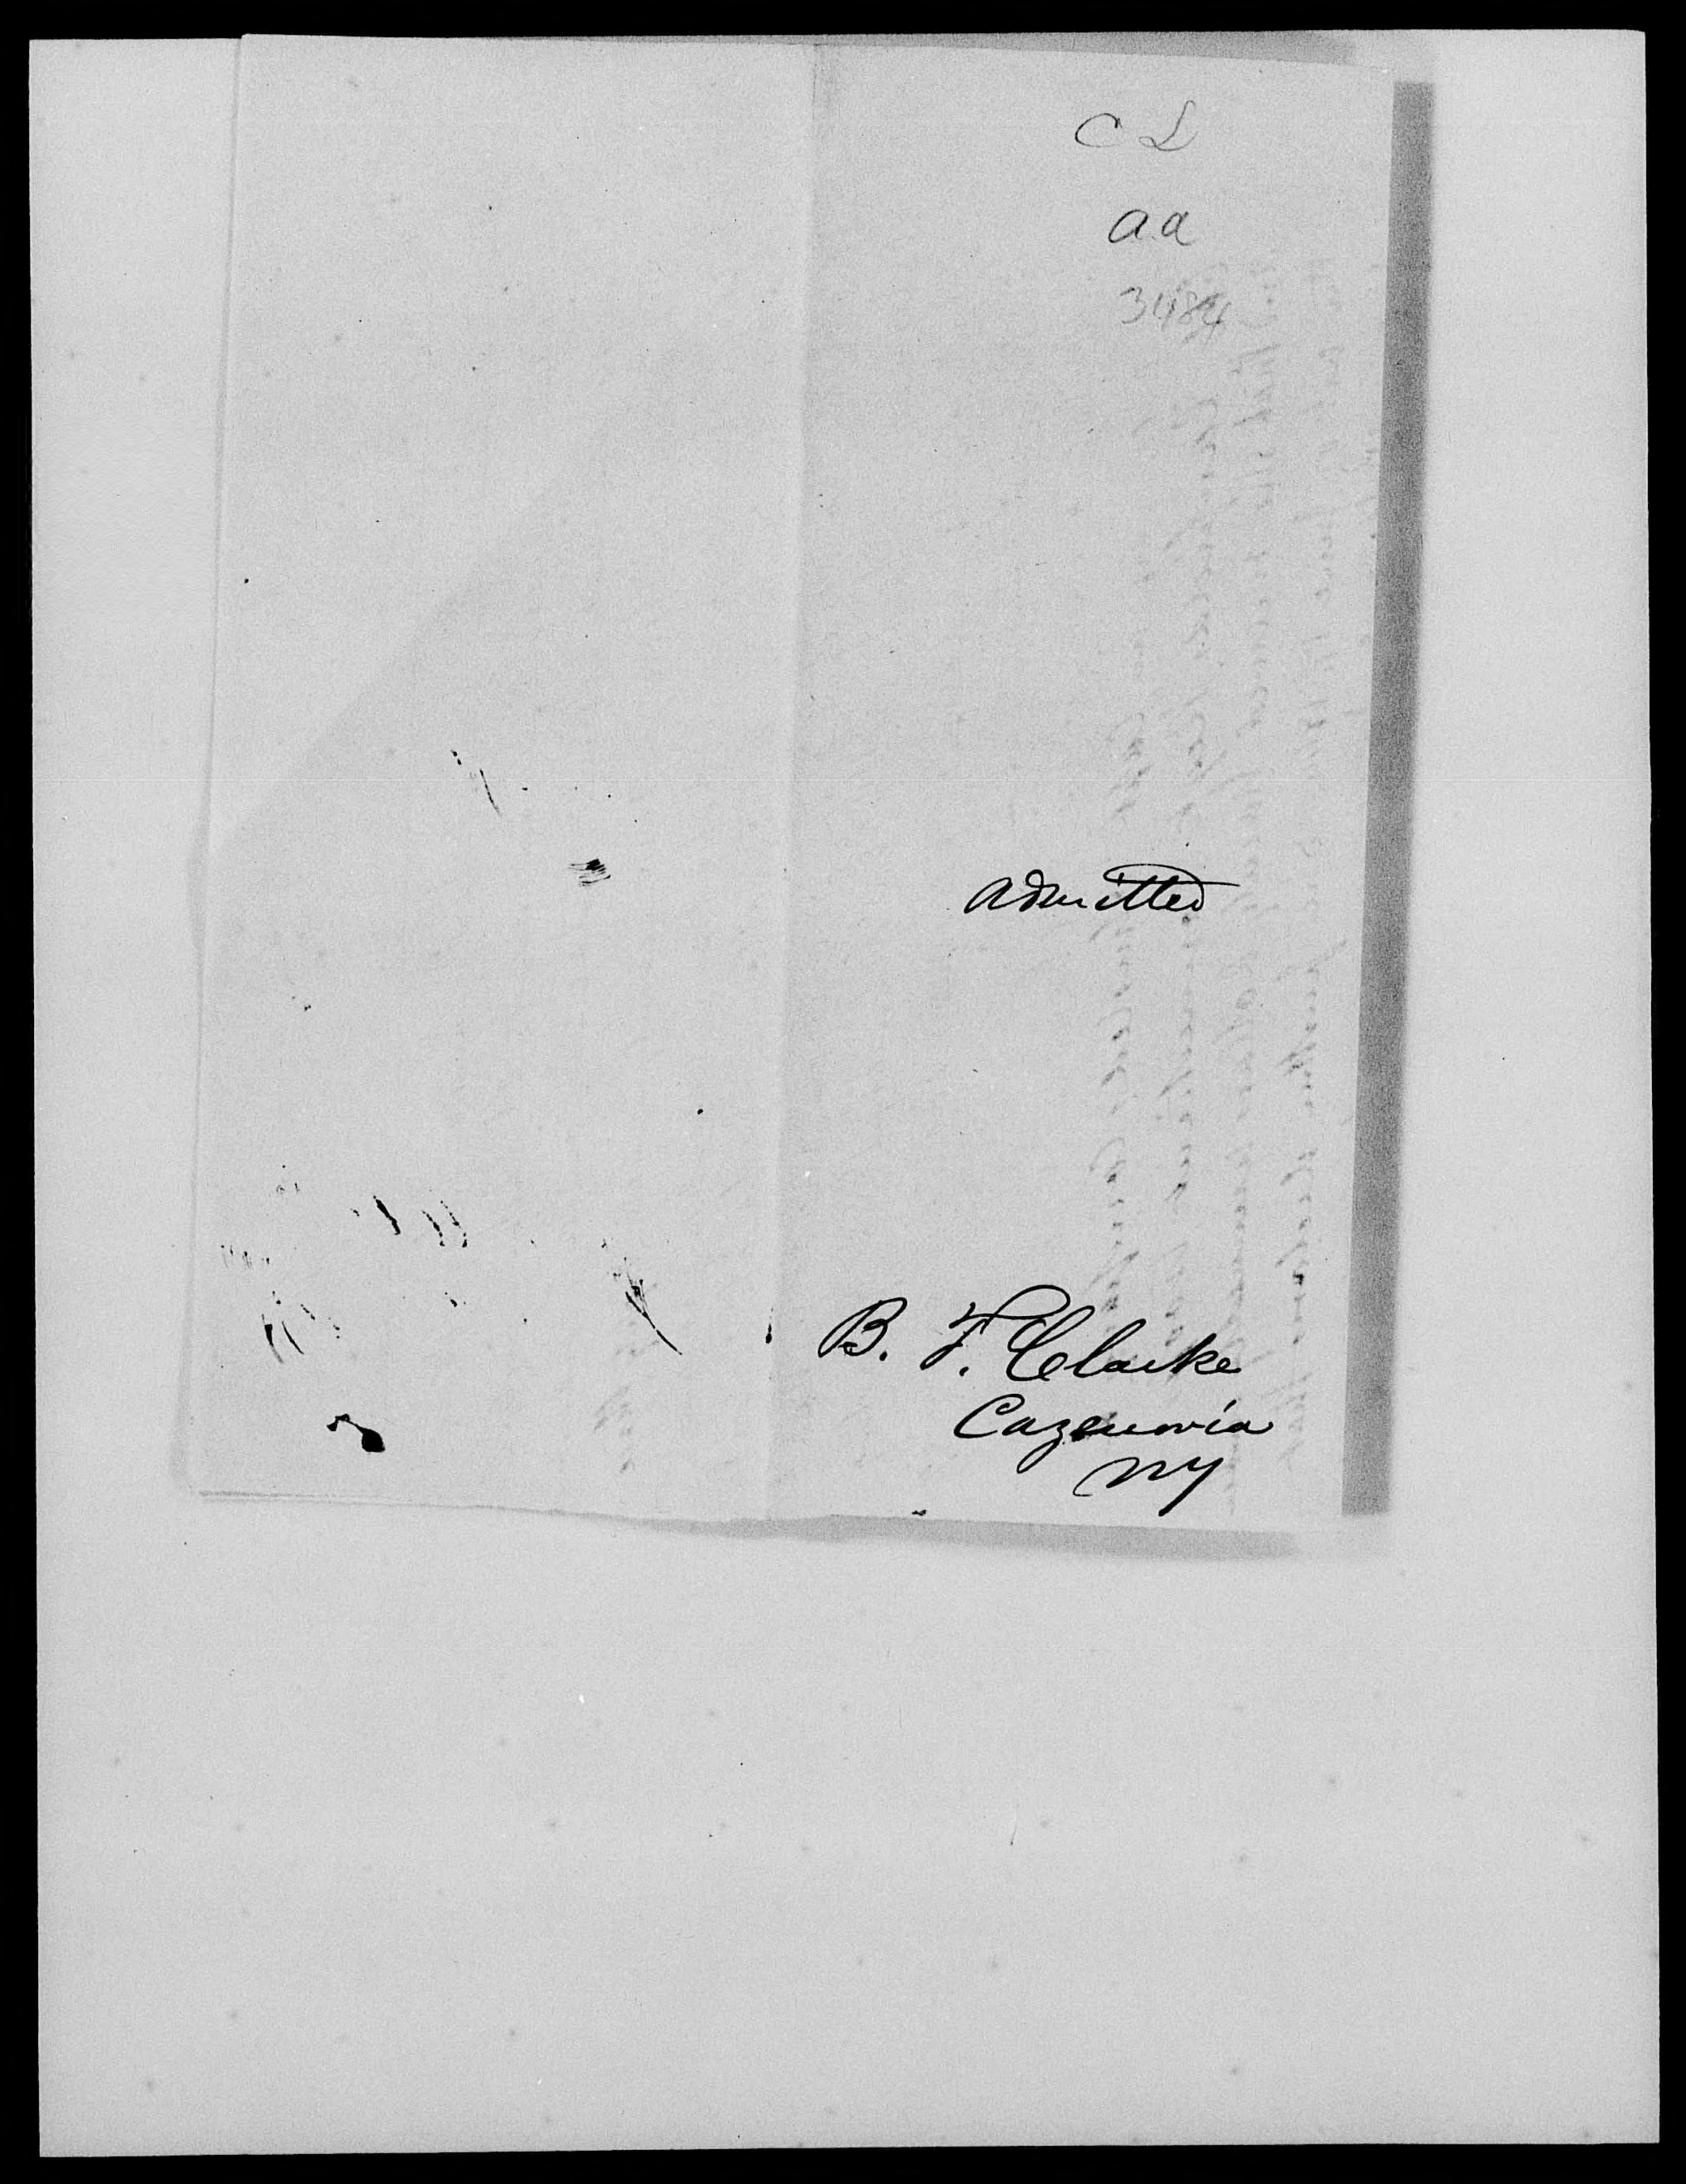CL
Ad
3484

Admitted
B. T. Clarke
Cazenovia NY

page: 37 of 40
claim: widow's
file: W. 24,615, for Ebenezer Lyon, Connecticut